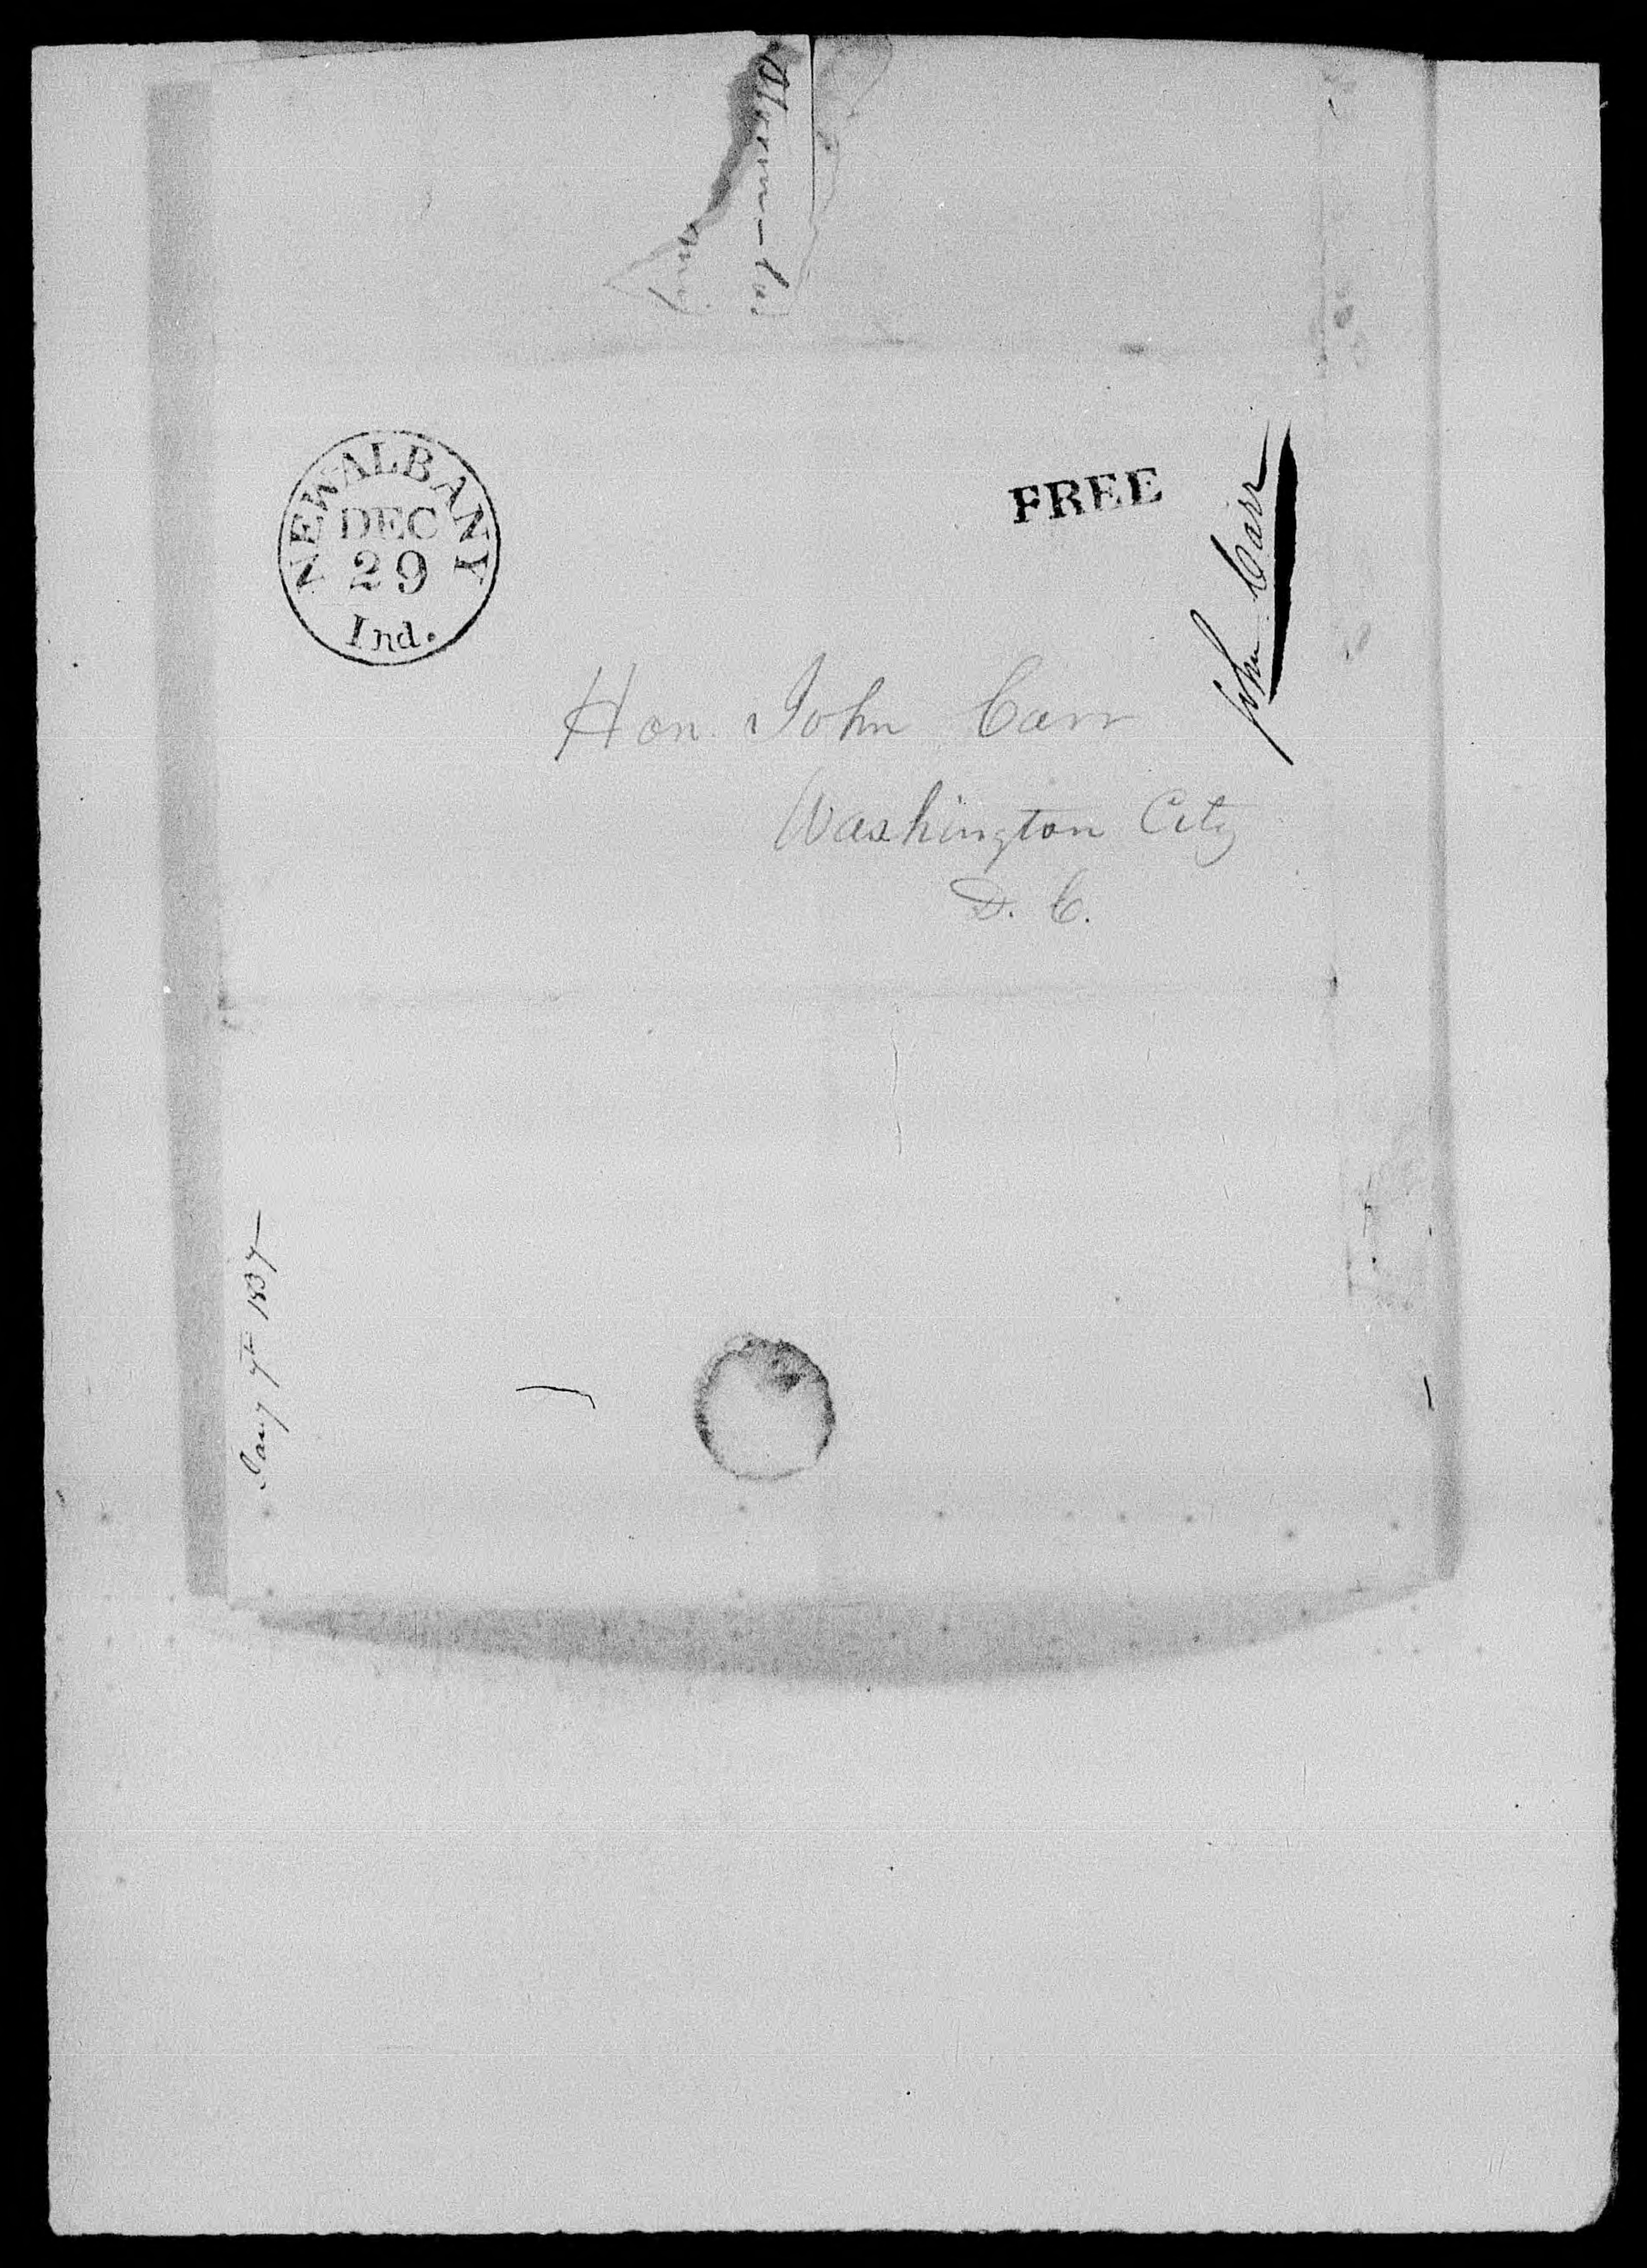NEW ALBANY Ind.
DEC 29

FREE

John Carr

Hon John Carr
Washington City
D. C. 

Jany 7th 1837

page: 29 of 56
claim: rejected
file: R 5529, for Samuel Jackson, Virginia